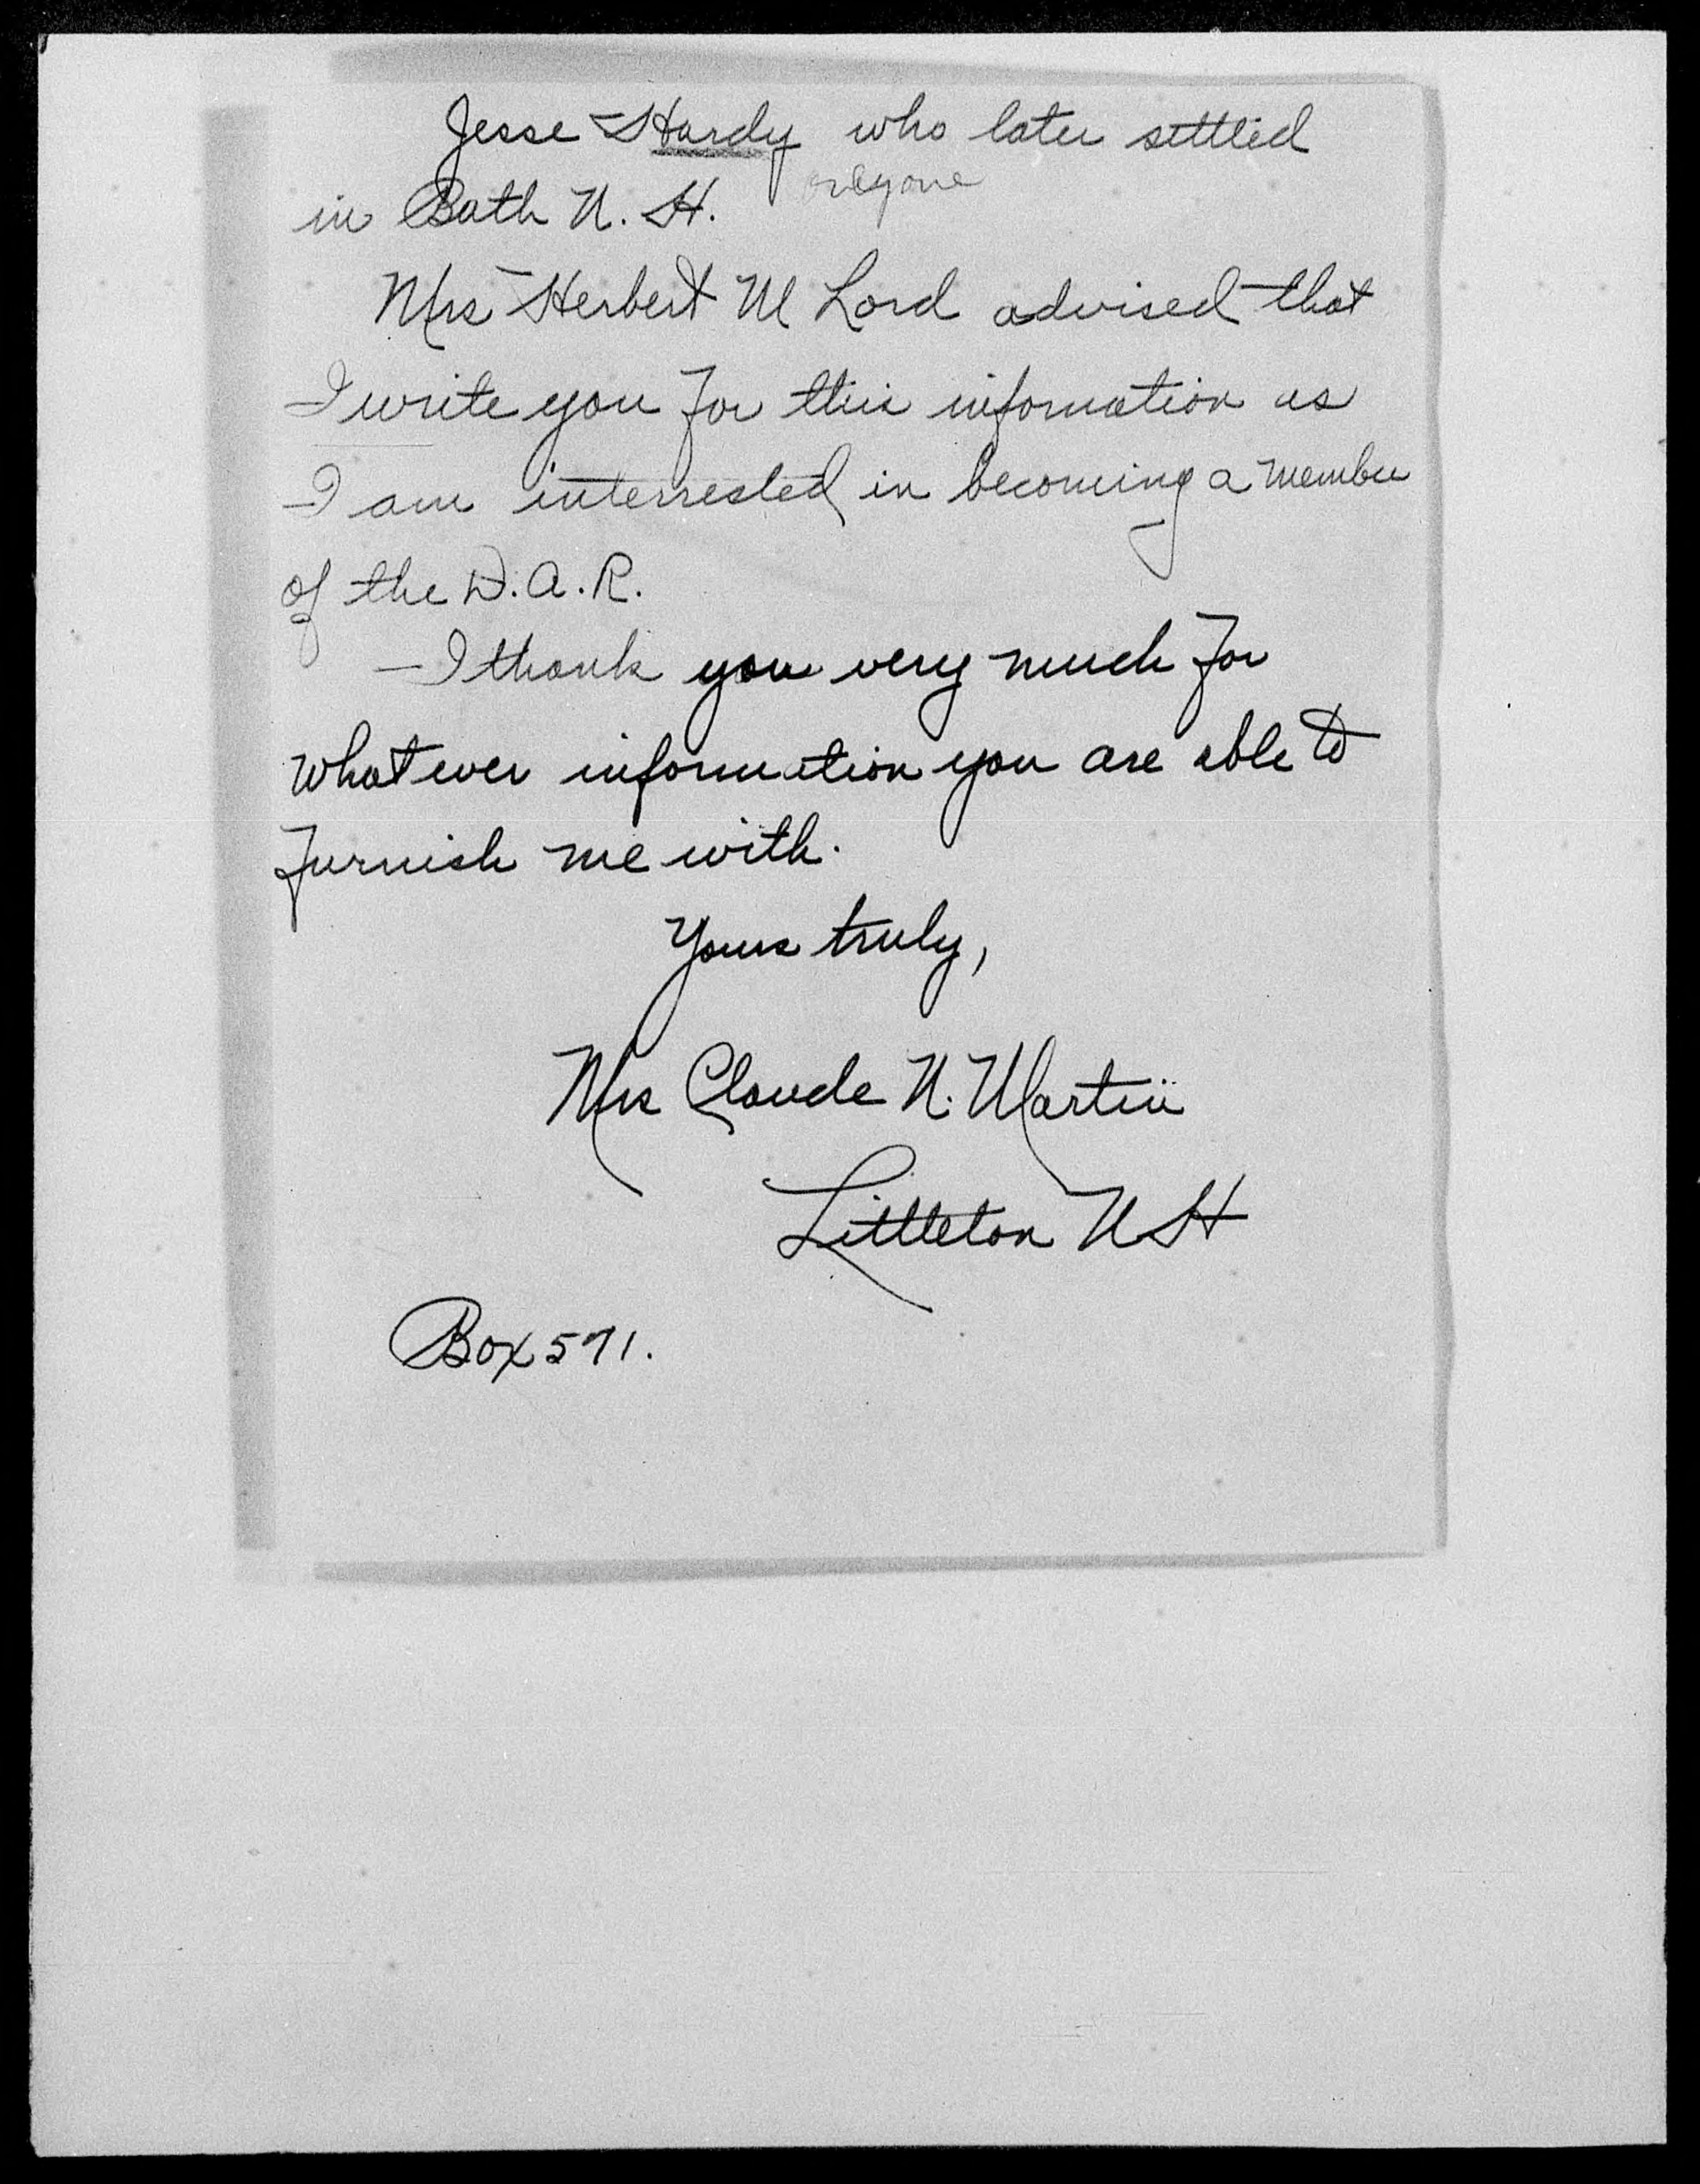Jesse Hardy who later settled in Bath N.H. only onr
Mrs Herbert W Lord advised that I write you for this information as I am interested in becoming a member of the D.A.R. I thank you very much for whatever information you are able to furnish me with Yours truly, Oregon Mrs Claude N. Martin Box 571. Littleton N H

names: Herbert M Lord, Claude N Martin, Jesse Hardy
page: 28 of 67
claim: widow's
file: W. 23183, Jesse Hardy, Mass.